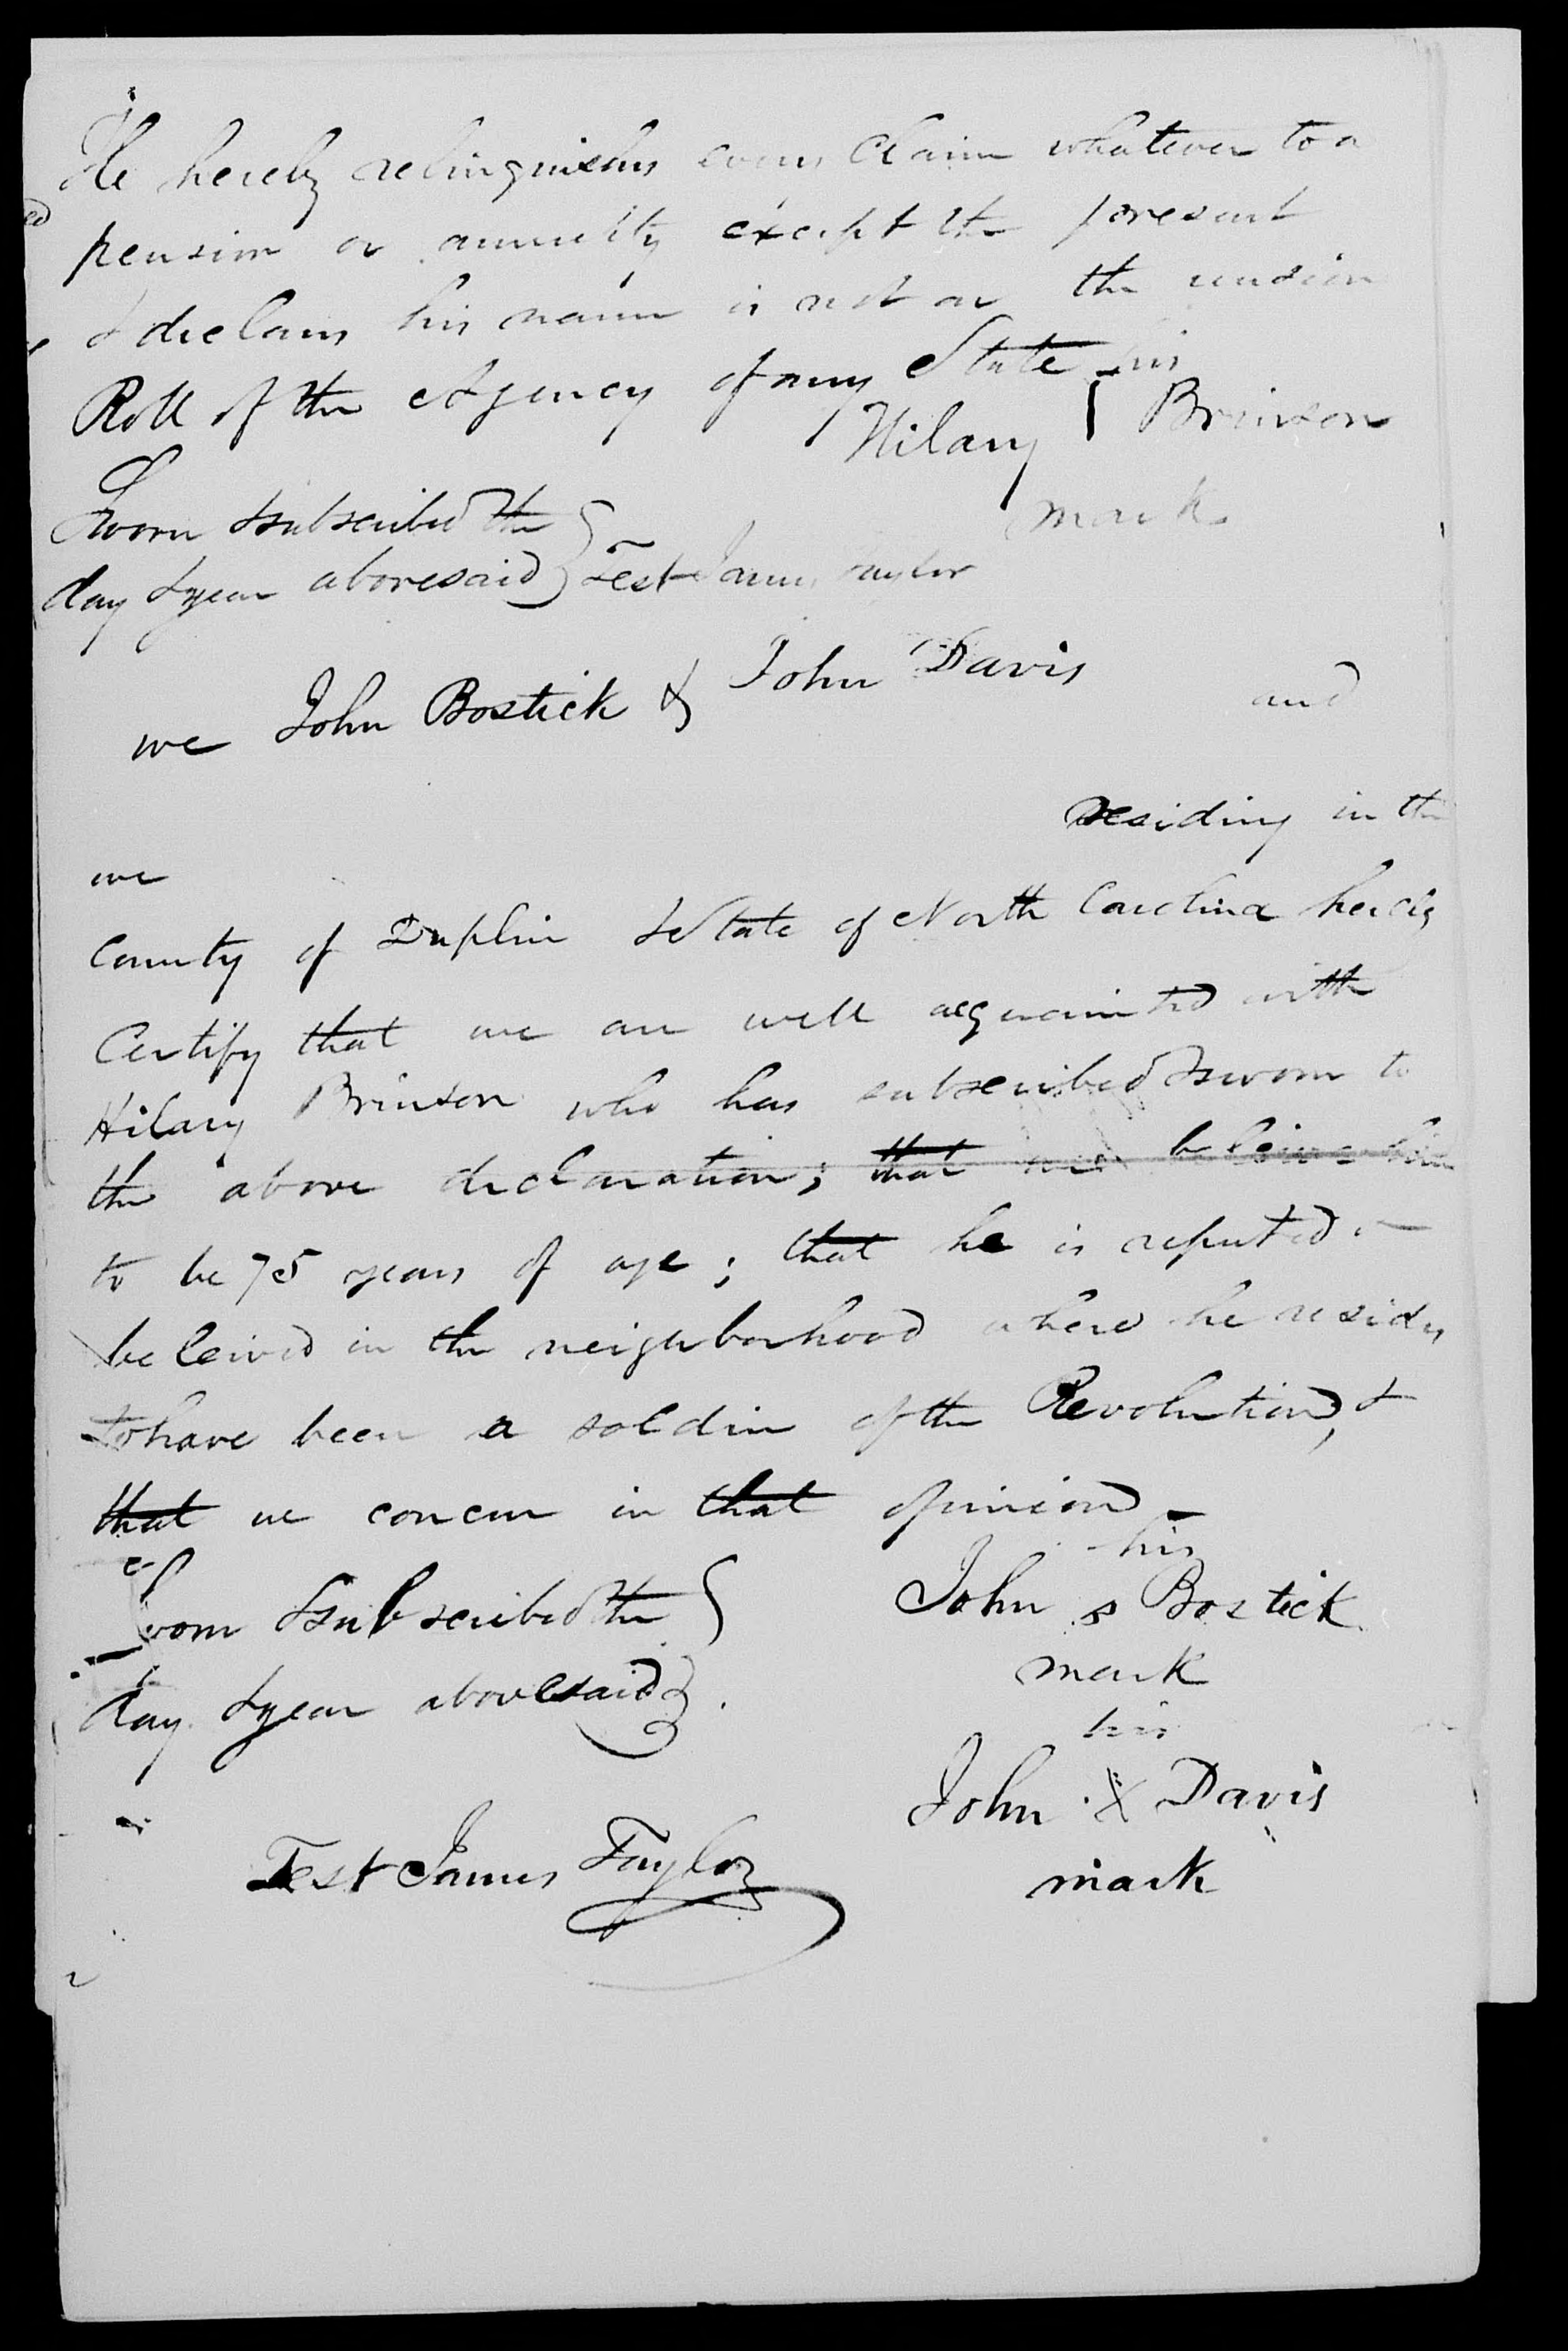He hereby relinquishes every claim whatever to a pension or annuity except the present and declares his name is not on the [illegible] Roll of the Agency of any state. Hilary Brinson (his mark)
Sworn and subscribed the day and year aforesaid. Test. James  Taylor
We John Bostick and John Davis and we ..........residing in the county of Duplin and State of North Carolina hereby certify that we are well acquainted with Hilary Brinson who has subscribed and sworn to the above declaration; that we believe him to be 75 years of age; that he is reputed and believed in the neighborhood where he resides to have been a soldier of the Revolution, and that we concur in that opinion. John Bostick (his mark) John Davis (his mark)
Sworn and subscribed  the day and year above said. Test. James Taylor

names: John Davis, Hilary Brinson, James Taylor, John B Bostick, John Davis, John Bostick, Hilary Brinson, James Taylor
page: 8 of 38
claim: widow's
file: W. 5231, Hilary Brinson, N.C.